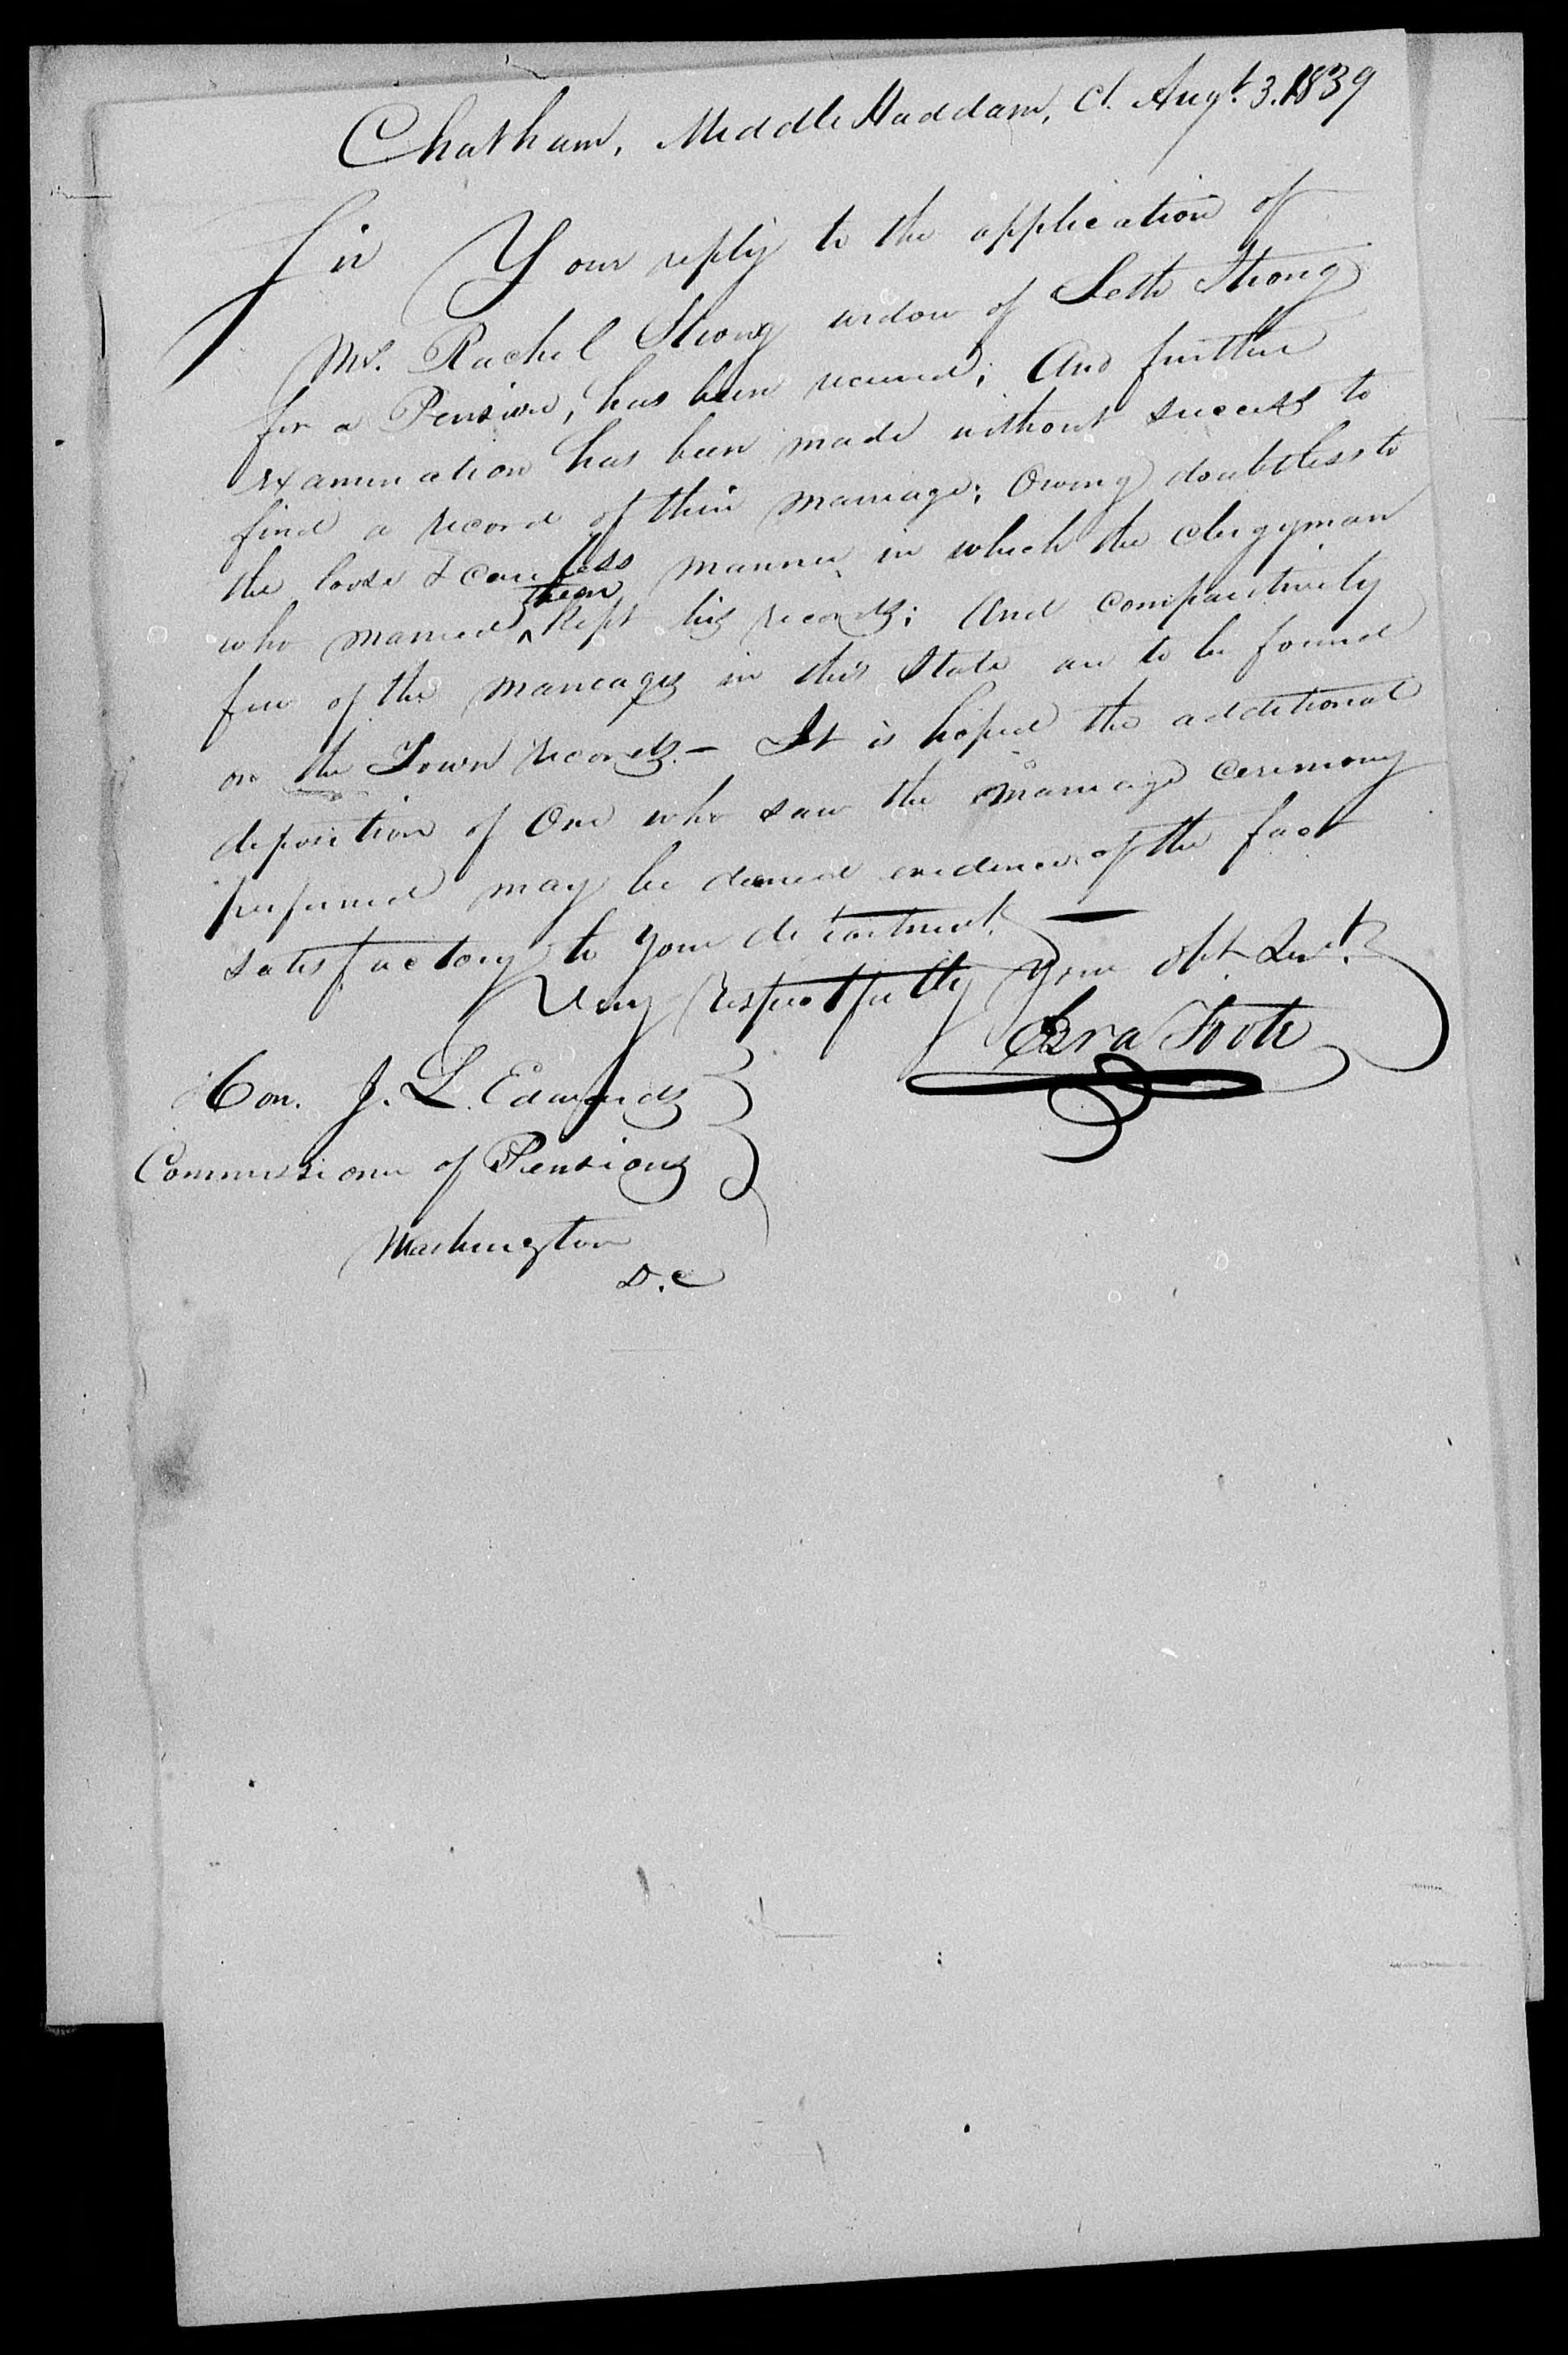Chatham, Middle Haddam, Ct. Augt. 3. 1839

Sir

Your reply to the application of Mrs. Rachel Strong widow of Seth Strong for a Pension, has been received; And further examination has been made without success to find a record of their marriage; Owing doubtless to the loose & careless manner in which the clergyman who married them kept his records; And comparatively few of the marriages in this State are to be found on the Town records - It is hoped the additional deposition of One who saw the marriage ceremony performed may be deemed evidence of the fact satisfactory to your department -

Very Respectfully your obt. Servt
Ezra Foote

Com. J. L. Edwards
Commissioner of Pensions
Washington
D.C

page: 35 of 47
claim: widow's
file: W. 17879, for Seth Strong, Connecticut